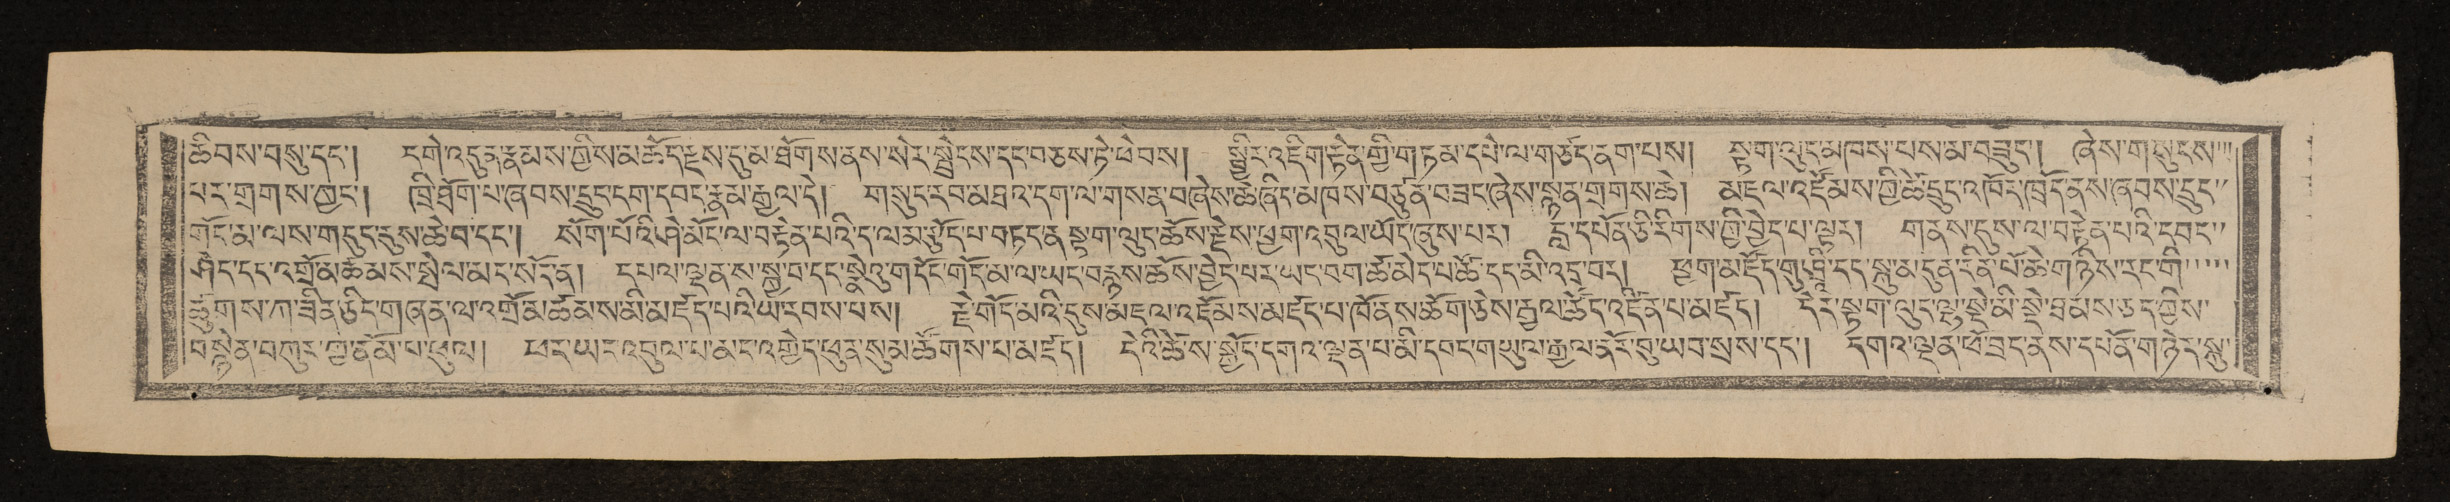ཆིབས་བསུ་དང་། དགེ་འདུན་རྣམས་ཀྱིས་མཆོད་རྫས་དུ་མ་ཐོགས་ནས་སེར་སྦྲེངས་དང་བཅས་ཏེ་ཕེབས། སྤྱིར་འཇིག་རྟེན་གྱི་གཏམ་དཔེ་ལ་གཙང་ནག་པས། སྟག་ལུང་མཁས་པས་མ་བཟུང་། ཞེས་གསུངས་
པར་གྲགས་ཀྱང་། ཁྲི་ཐོག་པ་ཞབས་དྲུང་ངག་དབང་རྣམ་རྒྱལ་དེ། གསུང་རབ་མཐའ་དག་ལ་གསན་བཞེས་ཆེ་ཞིང་མཁས་བཙུན་བཟང་ཞེས་སྙན་གྲགས་ཆེ། མཇལ་འཛོམས་ཀྱི་ཚེ་དྲུང་འཁོར་ཁྲོད་ནས་ཞབས་དྲུང་
གོང་མ་ལས་གདུང་རུས་ཆེ་བ་དང་། སོག་པོའི་ཤེ་མོང་ལ་བརྟེན་པའི་ད་ལམ་རྩོད་པ་བཏང་ན་སྟག་ལུང་ཆོས་རྗེས་ཕྱག་འབུལ་ཡོད་ཞུས་པར། བླ་དཔོན་ཅི་རིགས་ཀྱི་བྱེད་པ་ལྟར། གནས་དུས་ལ་བརྟེན་པའི་དབང་
ཤེད་དང་འགྲོ་མཚམས་སྤེལ་མར་སོང་ན། དཔལ་ལྡན་ས་སྐྱ་བ་དང་སྣེའུ་གདོང་གོང་མ་ལ་ཡང་བརྙས་ཆོས་བྱེད་པར་ཡང་བག་ཚ་མེད་པ་ཚོ་དང་མི་འདྲ་བར། ཕྱག་མཛོད་གུ་ཤྲཱི་དང་སྐུ་མདུན་རིན་པོ་ཆེ་གཉིས་རང་གི་
ཚུགས་ཀ་ཟིན་ཅིང་གཞན་ལ་འགྲོ་མཚམས་མི་མཛད་པའི་ཡ་རབས་པས། རྗེ་གོང་མའི་དུས་མཇལ་འཇོམས་མཛད་པ་ཁོ་ནས་ཆོག་ཅེས་རྒྱལ་ཚོད་འཛིན་པ་མཛད། དེར་སྟག་ལུང་ལྷ་སྡེ་མི་སྡེ་ཐམས་ཅད་ཀྱིས་
བསྙེན་བཀུར་གྱ་ནོམ་པ་ཕུལ། ཕར་ཡང་འབུལ་པ་མང་འགྱེད་ཕུན་སུམ་ཚོགས་པ་མཛད། དེའི་ཚེ་ས་སྐྱོང་དགའ་ལྡན་པ་མི་དབང་གཡུལ་རྒྱལ་ནོར་བུ་ཡབ་སྲས་དང་། དགའ་ལྡན་ཕོ་བྲང་ནས་དཔོན་གཉེར་སྐུ་